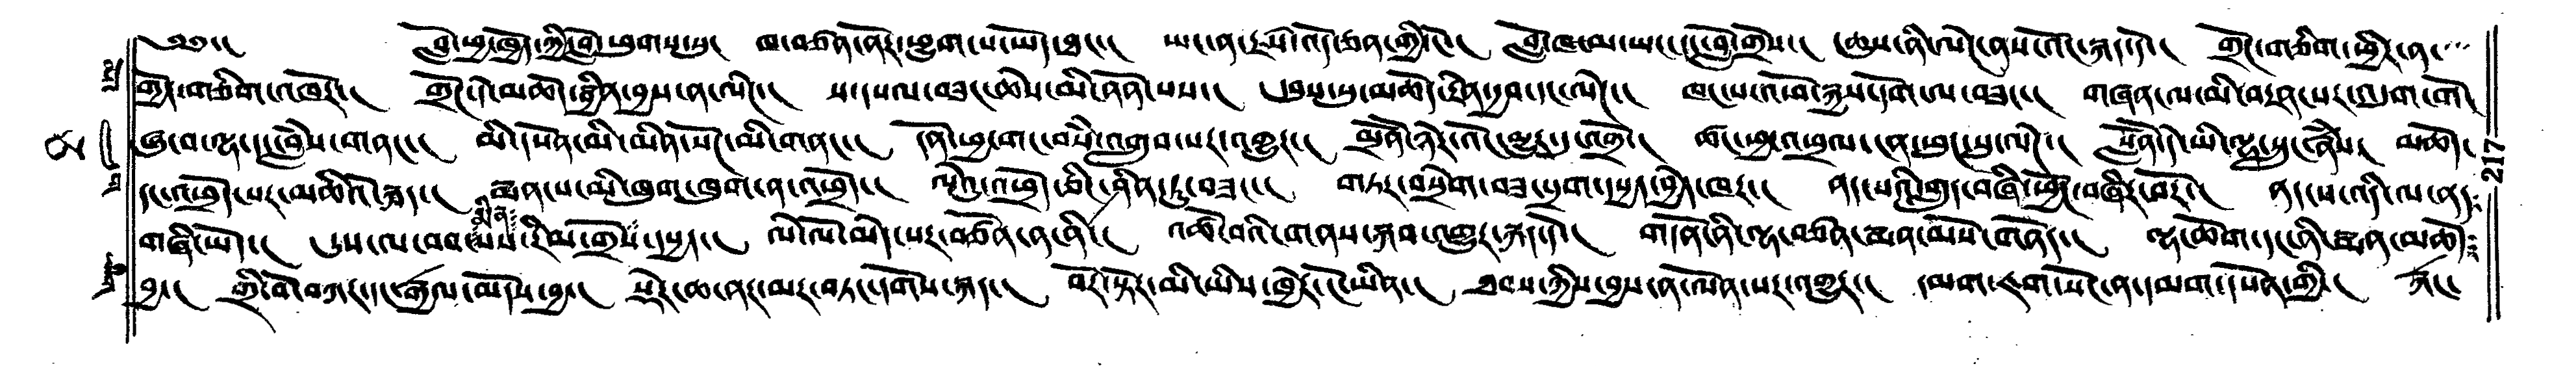།བློ་ཕྱྭ་ཁྱོད་ཀྱི་བློ་ཕུགས་སུ། །ཁ་བཙན་ནོར་ཕྱུག་པ་ཡོད་ཐང་། །ཡང་ན་རྫས་འོད་ཅན་གྱི་ངོ་། །བློ་ཁ་མ་ཡང་དང་བློ་གྲོས། །ཆུས་ནི་ལེགས་ནས་འོང་སྐད་དོ། །གྲོགས་གཅིག་ཕྱིར་ན་
གྱོག་གཅིག་འཁོར། །གྲོགས་དེ་མཆོད་སྦྱིན་བྱས་ན་ལེགས། །ས་དཔལ་བཟང་ཆེས་མི་ནོན་པས། །དབུས་སུ་མཆོད་རྟེན་རྒྱབ་དང་ལེགས། ཁང་པ་འཕོ་སྐྱས་དོག་ལ་བཟང་། །གཞན་ལ་མི་བརྟན་པར་འདུག་གོ །
ཞུ་བ་ལྷ་དང་བླ་མས་གནང་། །མི་དཔོན་མི་མིན་སོགས་མི་གནང་། །དོན་ཕྱྭ་གང་བསམ་འགྲུབ་པར་འགྱུར། །མགྲོན་པོ་ཉེར་འོང་མྱུར་དུ་འགྲོ། །ཚོང་ཕྱྭ་འཕྲལ་ངན་ཕུགས་སུ་ལེགས། །སློབ་དཔོན་དེ་ཡི་ལྷ་སྲུང་རྣམས། །མཆོད་
དང་འཕྲོད་པར་མཆིའོ་སྐད། །སྨན་པ་མི་ཁུག་ཁུག་ན་འཕྲོད། །ལེའུ་འཕྲོད་ཅིང་ཤིན་ཏུ་བཟང་། །གཏར་སྲེག་བཟང་དྲག་དཔྱད་བྱེད་ཁར། །ནད་པའི་གླུད་བཞི་ཕྱོགས་བཞིར་བོར། །ནད་པ་འདི་ལ་ནད་
གཞི་ཡོད། །དུས་ལ་བབ་མིན་རིམ་གྲོས་དཔྱད། །ལེ་ལོ་མེད་པར་བཙོན་ན་ནི། །འཚོ་བའི་གནས་སྐབས་འགྱུར་སྐད་དོ། །གདོན་ནི་ལྷ་བཙན་སྨན་མོས་གནོད། །ལྷ་ཆོག་དང་ནི་སྨན་མཆོད་
བྱ། །གྲི་བོ་བཀར་དང་རྒྱལ་མདོས་བྱ། །སྡེར་ཆ་ནར་མར་གཏོང་དགོས་སྐད། །བོར་སྟོར་མི་ཡིས་ཁྱེར་ངོ་ཡིན། །ཐབས་ཀྱིས་བྱས་ན་ལོན་པར་འགྱུར། །དམག་ཇག་སོང་ན་དམག་དཔོན་གྱི།རྐང་